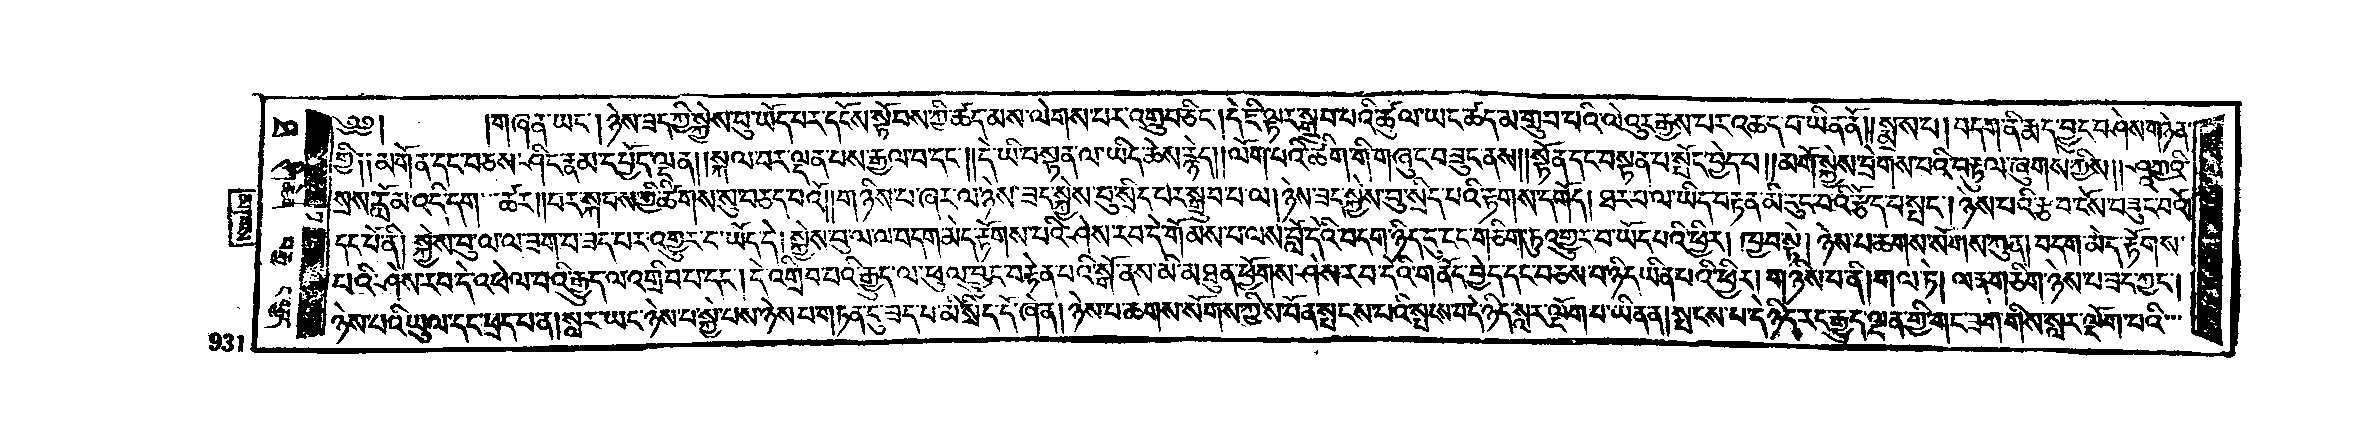༄༅། །གཞན་ཡང་། ཉེས་ཟད་ཀྱི་སྐྱེས་བུ་ཡོད་པར་དངོས་སྟོབས་ཀྱི་ཚད་མས་ལེགས་པར་འགྲུབ་ཅིང་། དེ་ཇི་ལྟར་སྒྲུབ་པའི་ཚུལ་ཡང་ཚད་མ་གྲུབ་པའི་ལེའུར་རྒྱས་པར་འཆད་པ་ཡིན་ནོ། །སྨྲས་པ། བདག་ནི་རྨད་བྱུང་བཤེས་གཉེན་
གྱི། །མགོན་དང་བཅས་ཤིང་རྣམ་དཔྱོད་ལྡན། །སྐལ་བར་ལྡན་པས་རྒྱལ་བ་དང་། །དེ་ཡི་བསྟན་ལ་ཡིད་ཆེས་རྙེད། །ལོག་པའི་ཚིག་གི་གཞུང་བཟུང་ནས། །སྟོན་དང་བསྟན་པ་སྤོང་བྱེད་པ། །མགོ་སྐྱེས་བྲེགས་པའི་བརྟུལ་ཞུགས་ཀྱིས། །ཤཱཀྱའི་
སྲས་རློམ་འདི་དག་ཚར། །བར་སྐབས་ཀྱི་ཚིགས་སུ་བཅད་པའོ། །གཉིས་པ་ཞར་ལ་ཉེས་ཟད་སྐྱེས་བུ་སྲིད་པར་སྒྲུབ་པ་ལ། ཉེས་ཟད་སྐྱེས་བུ་སྲིད་པའི་རྟགས་དགོད། ཐར་པ་ལ་ཡིད་བརྟན་མི་རུང་བའི་རྩོད་པ་སྤང་། ཉེས་པའི་རྩ་བ་ངོས་བཟུང་བའོ།
དང་པོ་ནི། སྐྱེས་བུ་ལ་ལ་ཟག་པ་ཟད་པར་འགྱུར་བ་ཡོད་དེ། སྐྱེས་བུ་ལ་ལ་བདག་མེད་རྟོགས་པའི་ཤེས་རབ་དེ་གོམས་པ་ལས་བློ་དེའི་བདག་ཉིད་དུ་ངང་གཅིག་ཏུ་འགྱུར་བ་ཡོད་པའི་ཕྱིར། ཁྱབ་སྟེ། ཉེས་པ་ཆགས་སོགས་ཀུན། བདག་མེད་རྟོགས་
པའི་ཤེས་རབ་དེ་འཕེལ་བའི་རྒྱུད་ལ་འགྲིབ་པ་དང་། དེ་འགྲིབ་པའི་རྒྱུད་ལ་ཕུལ་བྱུང་བརྟེན་པའི་སྒོ་ནས་མི་མཐུན་ཕྱོགས་ཤེས་རབ་དེའི་གནོད་བྱེད་དང་བཅས་པ་ཉིད་ཡིན་པའི་ཕྱིར། གཉིས་པ་ནི། གལ་ཏེ། ལན་གཅིག་ཉེས་པ་ཟད་ཀྱང་།
ཉེས་པའི་ཡུལ་དང་ཕྲད་པ་ན། སླར་ཡང་ཉེས་པ་སྐྱེ་པས་ཉེས་པ་གཏན་དུ་ཟད་པ་མི་སྲིད་དོ་ཞེ་ན། ཉེས་པ་ཆགས་སོགས་ཀྱི་ས་བོན་སྤངས་པའི་སྤངས་པ་དེ་ཉིད་སླར་ལྡོག་པ་ཡིན་ན། སྤངས་པ་དེ་ཉིད་རང་རྒྱུད་ལྡན་གྱི་གང་ཟག་གིས་སླར་ལྡོག་པའི་